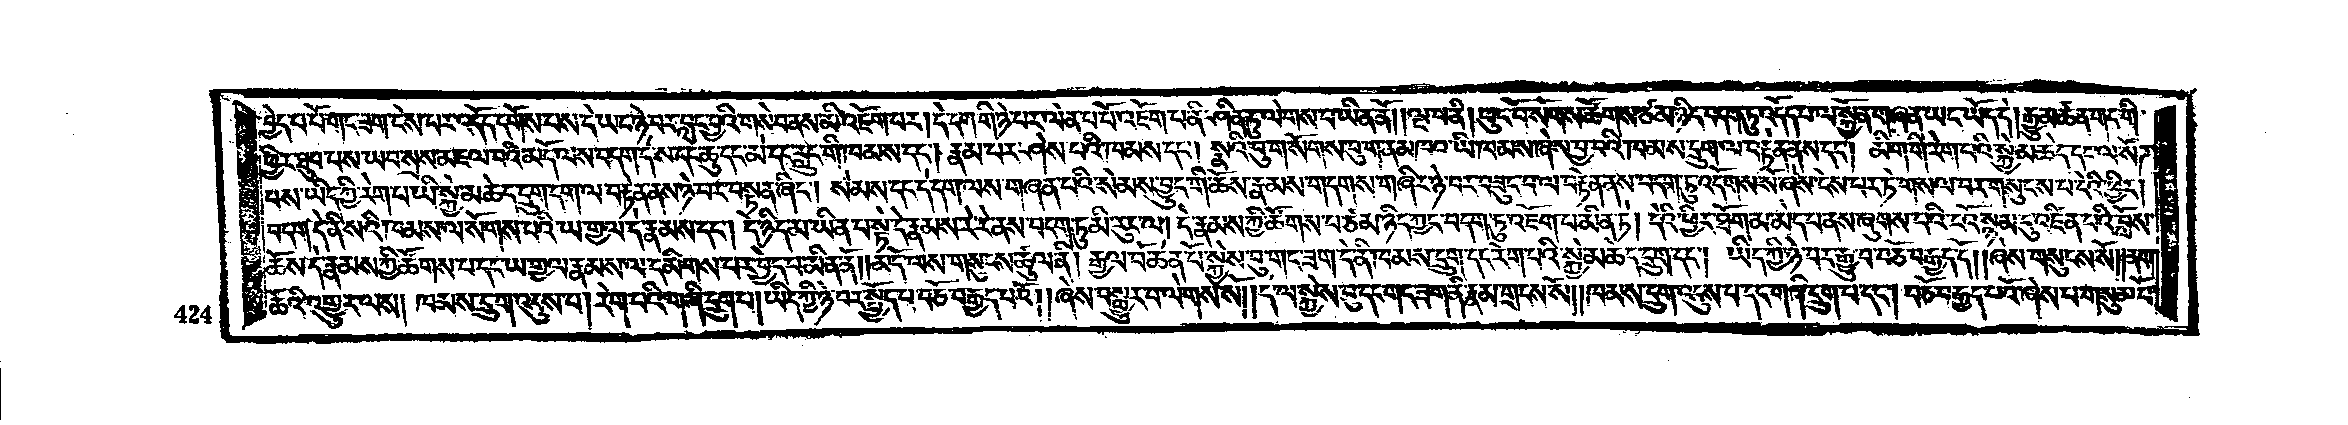བྱེད་པ་པོ་གང་ཟག་ངེས་པར་འདོད་དགོས་པས་དེ་ཡང་ཉེ་བར་བླང་བྱའི་གསེབ་ནས་མི་འཇོག་པར། དེ་དག་གི་ཉེ་པར་ལེན་པ་པོ་འཇོག་པ་ནི་ཤིན་ཏུ་ལེགས་པ་ཡིན་ནོ། །ལྔ་པ་ནི། ཕུང་པོ་སོགས་ཚོགས་ཙམ་ཉིད་བདག་ཏུ་འདོད་པ་ལ་སྐྱོན་གཞན་ཡང་ཡོད་དེ། རྒྱུ་མཚན་གང་གི་
ཕྱིར་ཐུབ་པས་ཡབ་སྲས་མཇལ་བའི་མདོ་ལས་བདག་དེ་ས་དང་ཆུ་དང་མེ་དང་རླུང་གི་ཁམས་དང་། རྣམ་པར་ཤེས་པའི་ཁམས་དང་། སྣའི་བུ་ག་སོགས་བུ་ག་ནམ་མཁའ་ཡི་ཁམས་ཞེས་བྱ་བའི་ཁམས་དྲུག་ལ་བརྟེན་ནས་དང་། མིག་གི་རེག་པའི་སྐྱེ་མཆེད་དང་ལ་སོགས་
པས་ཡིད་ཀྱི་རེག་པ་ཡི་སྐྱེ་མཆེད་དྲུག་དག་ལ་བརྟེན་ནས་ཉེ་བར་བསྟན་ཞིང་། སེམས་དང་དེ་དག་ལས་གཞན་པའི་སེམས་བྱུང་གི་ཆོས་རྣམས་གདགས་གཞིར་ཉེ་བར་བཟུང་བ་ལ་བརྟེན་ནས་བདག་ཏུ་འདོགས་སོ་ཞེས་ངེས་པར་ཏེ་གསལ་བར་གསུངས་པ་དེའི་ཕྱིར།
བདག་དེ་ནི་སའི་ཁམས་ལ་སོགས་པའི་ཡ་གྱལ་དེ་རྣམས་དང་། དེ་ཉིད་མ་ཡིན་པ་སྟེ་དེ་རྣམས་རེ་རེ་ནས་བདག་ཏུ་མི་རུང་ལ། དེ་རྣམས་ཀྱི་ཚོགས་པ་ཙམ་ཉིད་ཀྱང་བདག་ཏུ་འཇོག་པ་མིན་ཏེ། དེའི་ཕྱིར་ཐོག་མ་མེད་པ་ནས་ཞུགས་པའི་ངའོ་སྙམ་དུ་འཛིན་པའི་བློས་
ཆོས་དེ་རྣམས་ཀྱི་ཚོགས་པ་དང་ཡ་གྱལ་རྣམས་ལ་དམིགས་པར་བྱེད་པ་མིན་ནོ། །མདོ་ལས་གསུངས་ཚུལ་ནི། རྒྱལ་བོ་ཆེན་པོ་སྐྱེས་བུ་གང་ཟག་དེ་ནི་ཁམས་དྲུག་དང་རེག་པའི་སྐྱེ་མཆེད་དྲུག་དང་། ཡིད་ཀྱི་ཉེ་བར་རྒྱུ་བ་བཅོ་བརྒྱད་དོ། །ཞེས་གསུངས་སོ། །ནག་
ཚོའི་འགྱུར་ལས། ཁམས་དྲུག་འདུས་པ། རེག་པའི་གཞི་དྲུག་པ། ཡིད་ཀྱི་ཉེ་བར་སྤྱོད་པ་བཅོ་བརྒྱད་པའོ། །ཞེས་བསྒྱུར་བ་ལེགས་སོ། །དེ་ལ་སྐྱེས་བུ་དང་གང་ཟག་ནི་རྣམ་གྲངས་སོ། །ཁམས་དྲུག་འདུས་པ་དང་གཞི་དྲུག་པ་དང་། བཅོ་བརྒྱད་པའོ་ཞེས་པ་གསུམ་པོ་